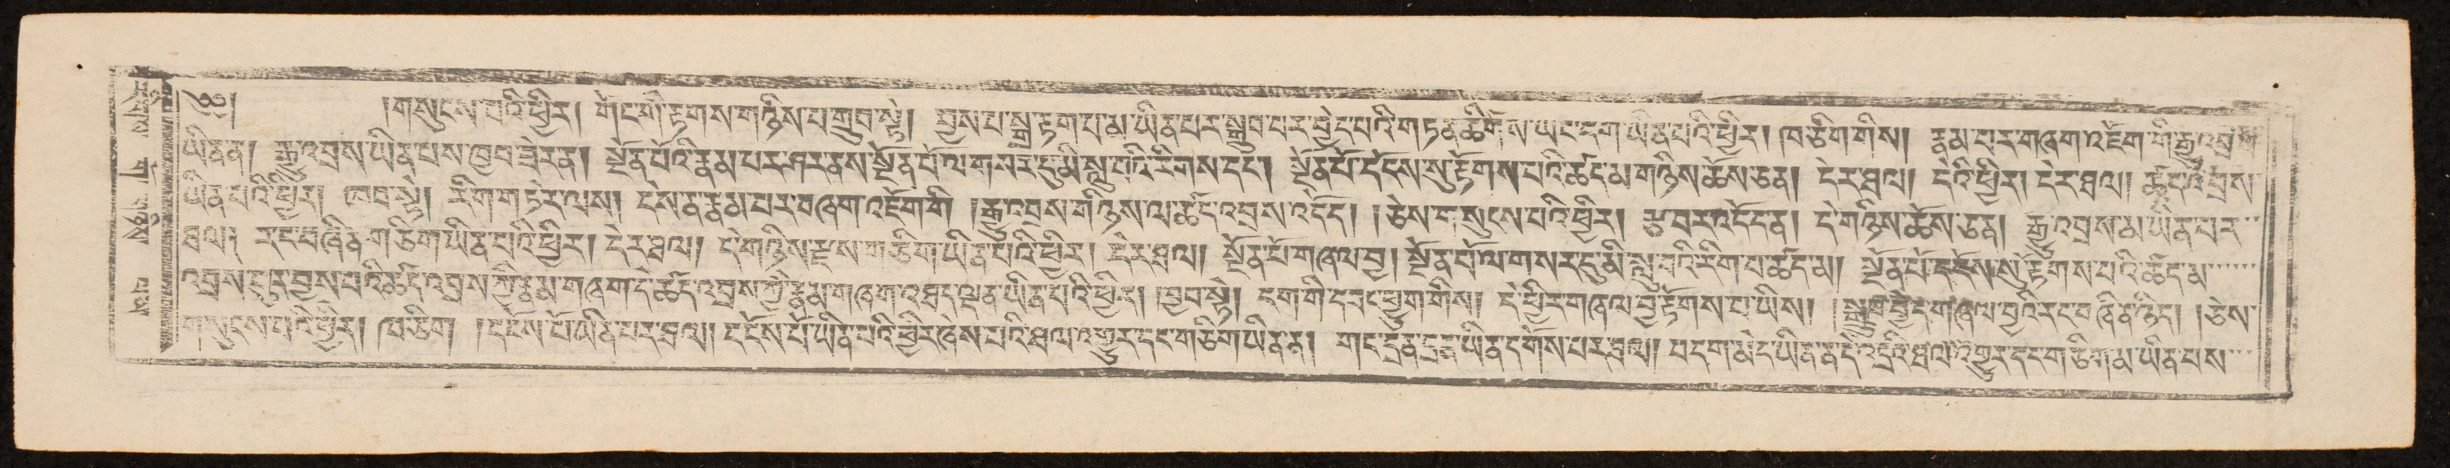༄༅། །གསུངས་པའི་ཕྱིར། གོང་གི་རྟགས་གཉིས་པ་གྲུབ་སྟེ། བྱས་པ་སྒྲ་རྟག་པ་མ་ཡིན་པར་སྒྲུབ་པར་བྱེད་པའི་གཏན་ཚིགས་ཡང་དག་ཡིན་པའི་ཕྱིར། ཁ་ཅིག་གིས། རྣམ་པར་བཞག་འཇོག་གི་རྒྱུ་འབྲས་
ཡིན་ན། རྒྱུ་འབྲས་ཡིན་པས་ཁྱབ་ཟེར་ན། སྔོན་པོའི་རྣམ་པར་ཤར་ནས་སྔོན་པོ་ལ་གསར་དུ་མི་སླུ་བའི་རིག་པ་དང་། སྔོན་པོ་དངོས་སུ་རྟོགས་པའི་ཚད་མ་གཉིས་ཆོས་ཅན། དེར་ཐལ། དེའི་ཕྱིར། དེར་ཐལ། ཚད་འབྲས་
ཡིན་པའི་ཕྱིར། ཁྱབ་སྟེ། རིག་གཏེར་ལས། དེས་ན་རྣམ་པར་བཞག་འཇོག་གི །རྒྱུ་འབྲས་གཉིས་ལ་ཚད་འབྲས་འདོད། །ཅེས་གསུངས་པའི་ཕྱིར། རྩ་བར་འདོད་ན། དེ་གཉིས་ཆོས་ཅན། རྒྱུ་འབྲས་མ་ཡིན་པར་
ཐལ། རང་བཞིན་གཅིག་ཡིན་པའི་ཕྱིར། དེར་ཐལ། དེ་གཉིས་རྫས་གཅིག་ཡིན་པའི་ཕྱིར། དེར་ཐལ། སྔོན་པོ་གཞལ་བྱ། སྔོན་པོ་ལ་གསར་དུ་མི་སླུ་བའི་རིག་པ་ཚད་མ། སྔོན་པོ་དངོས་སུ་རྟོགས་པའི་ཚད་མ་
འབྲས་བུར་བྱས་པའི་ཚད་འབྲས་ཀྱི་རྣམ་གཞག་དེ་ཚད་འབྲས་ཀྱི་རྣམ་གཞག་འཐད་ལྡན་ཡིན་པའི་ཕྱིར། ཁྱབ་སྟེ། དག་གི་དབང་ཕྱུག་གིས། དེ་ཕྱིར་གཞལ་བྱ་རྟོགས་པ་ཡིས། །སྒྲུབ་བྱེད་གཞལ་བྱའི་རང་བཞིན་ཉིད། །ཅེས་
གསུངས་པའི་ཕྱིར། ཁ་ཅིག །དངོས་པོ་ཡིན་པར་ཐལ། དངོས་པོ་ཡིན་པའི་ཕྱིར་ཞེས་པའི་ཐལ་འགྱུར་དང་གཅིག་ཡིན་ན། གང་དྲན་དྲན་ཡིན་དགོས་པར་ཐལ། བདག་མེད་ཡིན་ན་དེ་འདྲའི་ཐལ་འགྱུར་དང་གཅིག་མ་ཡིན་པས་